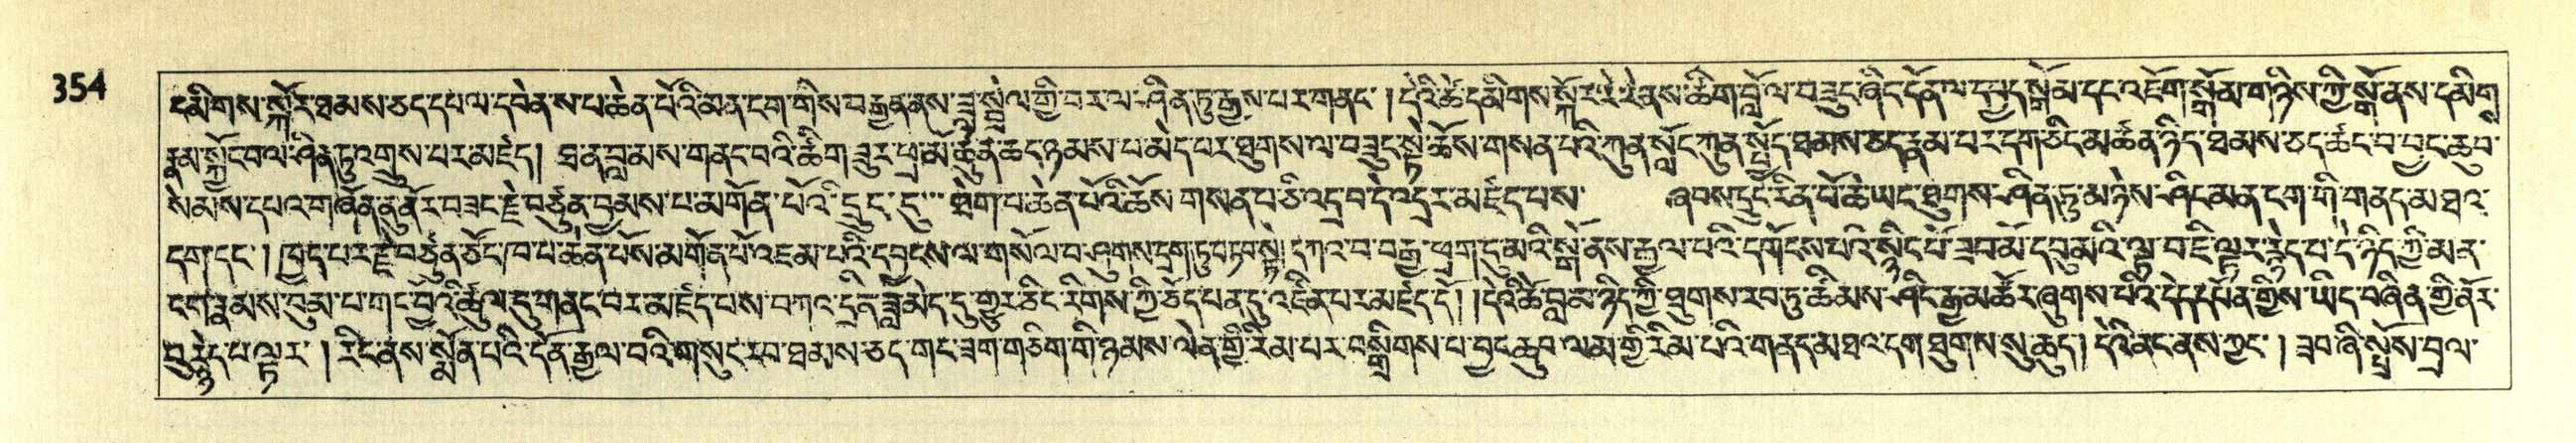དམིགས་སྐོར་ཐམས་ཅད་དཔལ་དབེན་ས་པ་ཆེན་པོའི་མན་ངག་གིས་བརྒྱན་ནས་ཟླ་སྦྲེལ་གྱི་བར་ལ་ཤིན་ཏུ་རྒྱས་པར་གནང་།དེའི་ཚེ་དམིགས་སྐོར་རེ་རེ་ནས་ཚིག་བློ་ལ་བཟུང་ཞིང་དོན་ལ་དཔྱད་སྒོམ་དང་འཇོག་སྒོམ་གཉིས་ཀྱི་སྒོ་ནས་དམིགས་
རྣམ་སྐྱོང་བ་ལ་ཤིན་ཏུ་འགྲུས་པར་མཛད། ཐ་ན་བླ་མས་གནང་བའི་ཚིག་ཟུར་ཕྲ་མོ་ཚུན་ཆད་ཉམས་པ་མེད་པར་ཐུགས་ལ་བཟུང་སྟེ་ཆོས་གསན་པའི་ཀུན་སློང་ཀུན་སྤྱོད་ཐམས་ཅད་རྣམ་པར་དག་ཅིང་མཚན་ཉིད་ཐམས་ཅད་ཚང་བ་བྱང་ཆུབ་
སེམས་དཔའ་གཞོན་ནུ་ནོར་བཟང་རྗེ་བཙུན་བྱམས་པ་མགོན་པོའི་དྲུང་དུ་ཐེག་པ་ཆེན་པོའི་ཆོས་གསན་པ་ཅི་འདྲ་བ་དེ་འདྲར་མཛད་པས་ཞབས་དྲུང་རིན་པོ་ཆེ་ཡང་ཐུགས་ཤིན་ཏུ་མཉེས་ཤིང་མན་ངག་གི་གནད་མཐའ་
དག་དང་། ཁྱད་པར་རྗེ་བཙུན་ཙོང་ཁ་པ་ཆེན་པོས་མགོན་པོ་འཇམ་པའི་དབྱངས་ལ་གསོལ་བ་ཤུགས་དྲག་ཏུ་བཏབ་སྟེ། དཀའ་བ་བརྒྱ་ཕྲག་དུ་མའི་སྒོ་ནས་རྒྱལ་པའི་དགོངས་པའི་སྙིང་པོ་ཟབ་མོ་དབུ་མའི་ལྟ་བ་ཇི་ལྟར་རྙེད་པ་དེ་ཉིད་ཀྱི་མན་
ངག་རྣམས་བུམ་པ་གང་བྱའི་ཚུལ་དུ་གནང་བར་མཛད་པས་བཀའ་དྲིན་ཟླ་མེད་དུ་གྱུར་ཅིང་རིགས་ཀྱི་ཅོད་པན་དུ་འཛིན་པར་མཛད་དོ། །དེའི་ཚེ་བླ་མ་ཉིད་ཀྱི་ཐུགས་རབ་ཏུ་ཚིམས་ཤིང་རྒྱ་མཚོར་ཞུགས་པའི་དེད་དཔོན་གྱིས་ཡིད་བཞིན་གྱི་ནོར་
བུ་རྙེད་པ་ལྟར། རིང་ནས་སྨོན་པའི་དོན་རྒྱལ་བའི་གསུང་རབ་ཐམས་ཅད་གང་ཟག་གཅིག་གི་ཉམས་ལེན་གྱི་རིམ་པར་བསྒྲིགས་པ་བྱང་ཆུབ་ལམ་གྱི་རིམ་པའི་གནད་མཐའ་དག་ཐུགས་སུ་ཆུད། དེའི་ནང་ནས་ཀྱང་། ཟབ་ཞི་སྤྲོས་བྲལ་